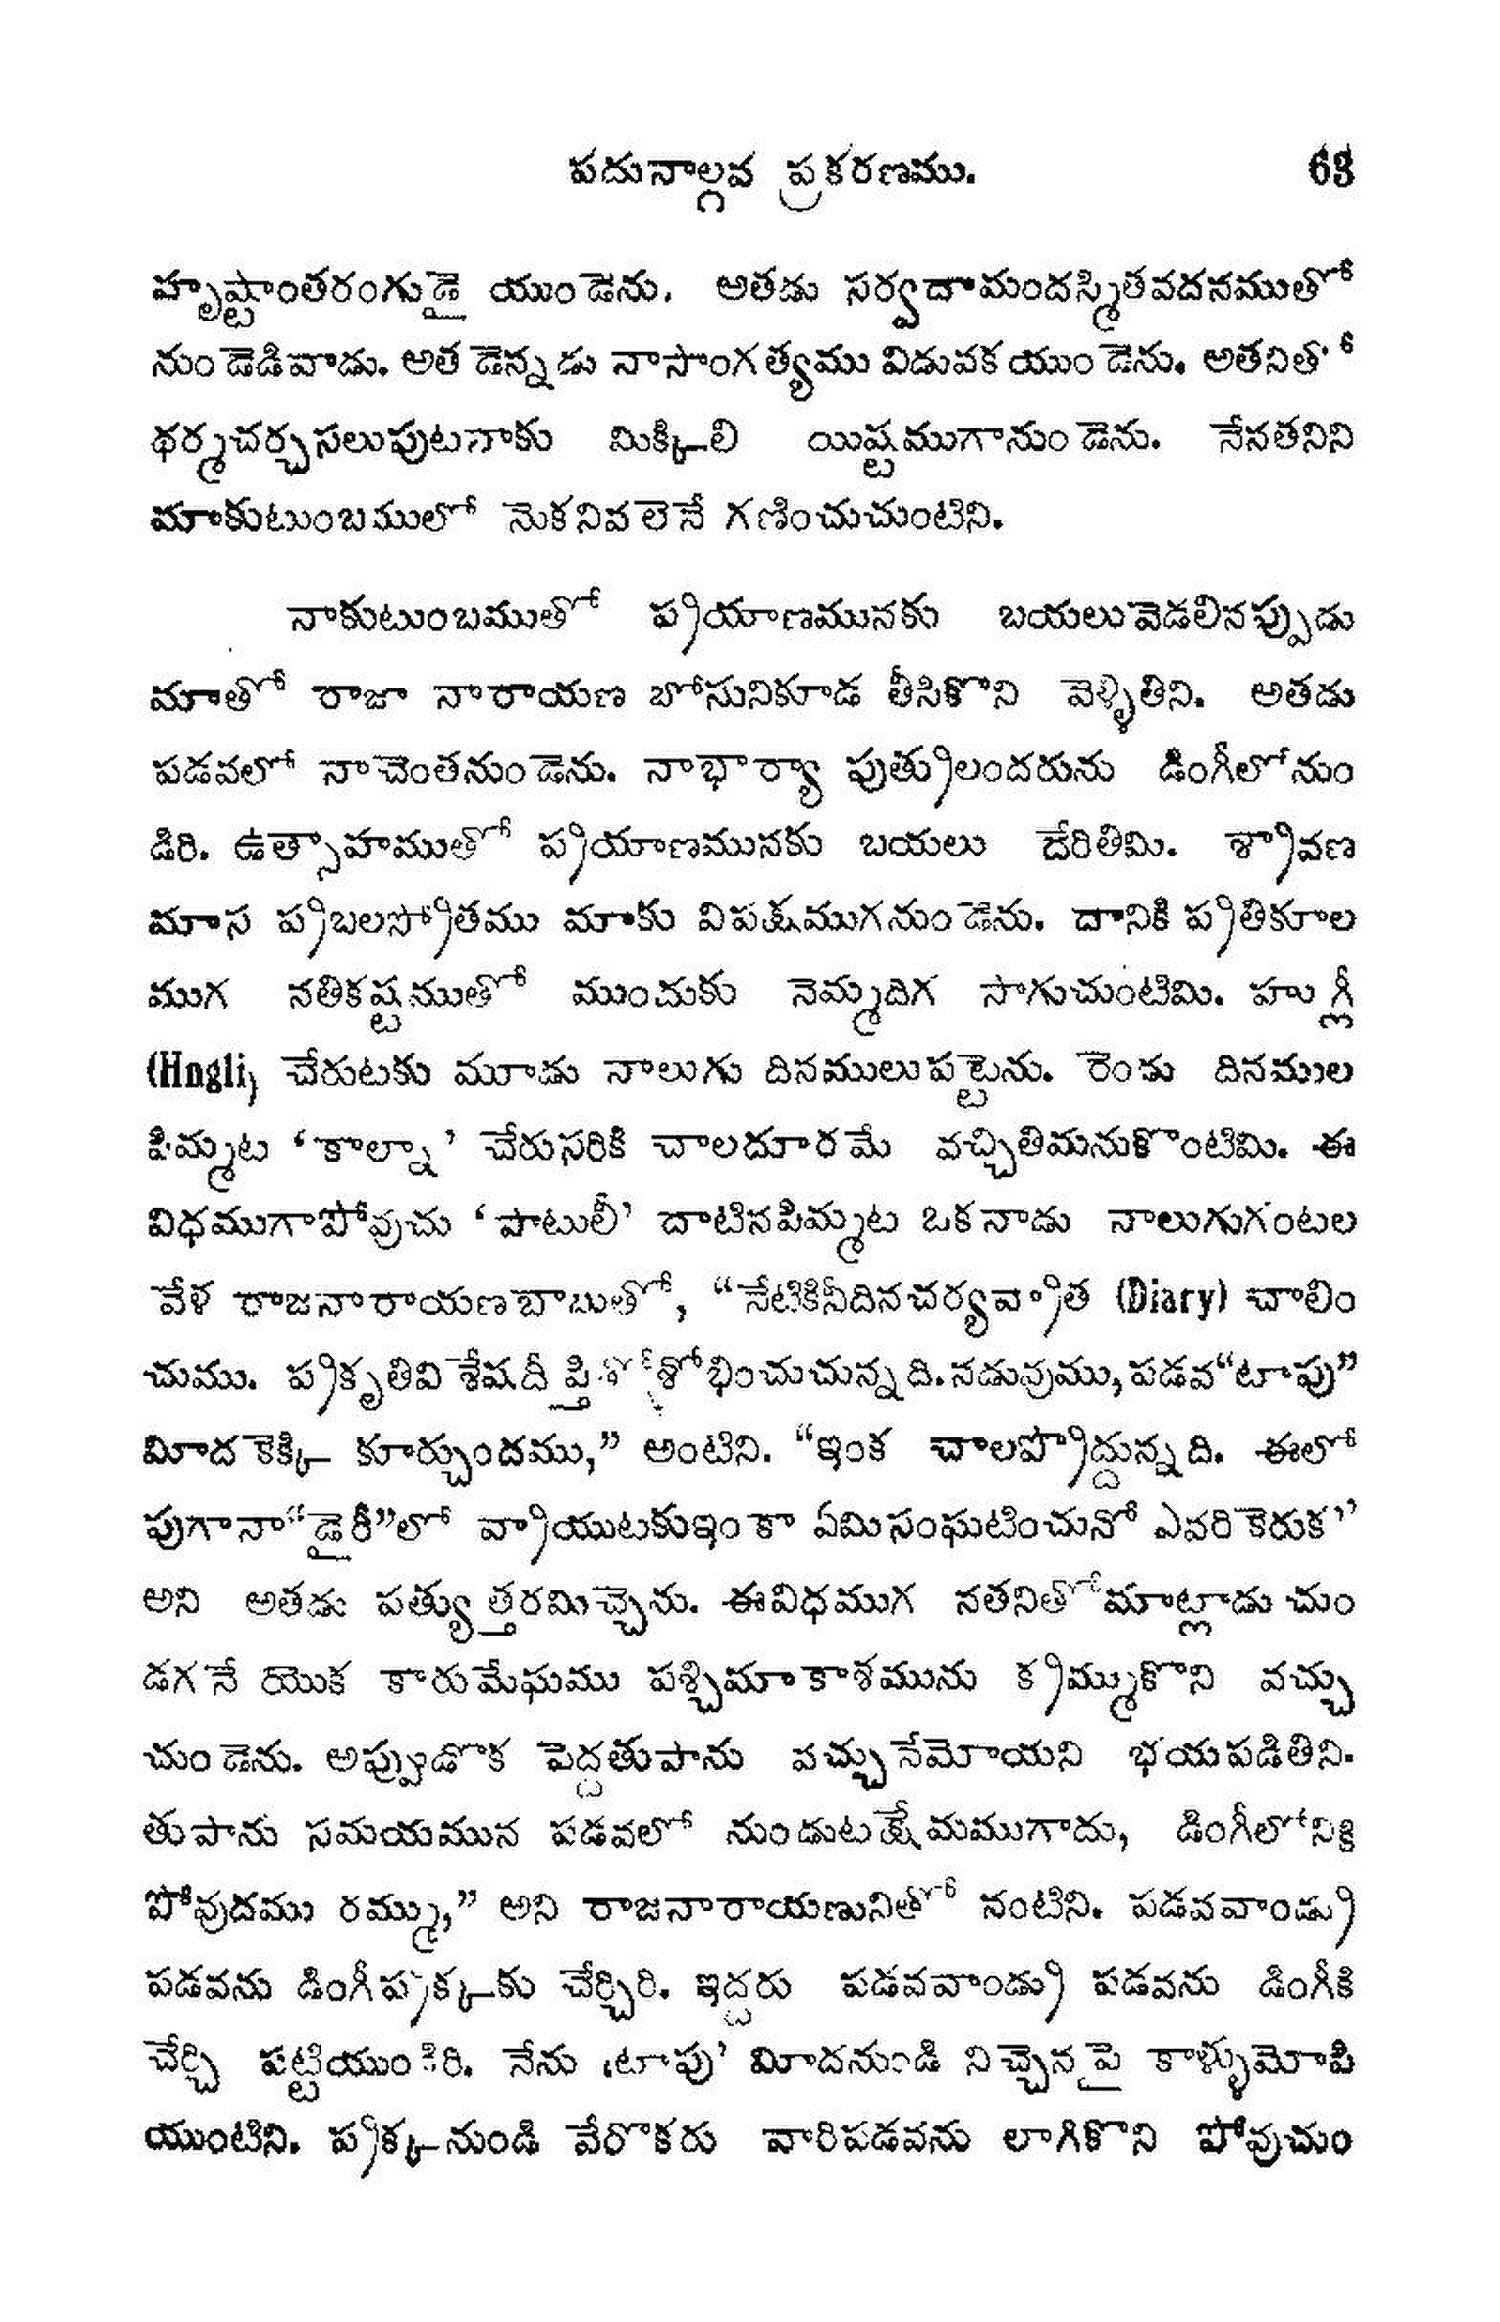హృష్టాంతరంగుడై యుండెను. అతడు సర్వదా మందస్మిత వదనముతో
నుండెడివాడు. అతడెన్నడు నాసొంగత్యము విడువక యుండెను. అతనితో "
ధర్మచర్చ సలుపుట నాకు మిక్కిలి యిష్టముగానుండెను. నేనతనిని
మాకుటుంబములో ఒకనివలెనే గణించుచుంటిని.

నాకుటుంబముతో ప్రయాణమునకు బయలు వెడలినప్పుడు
మాతో రాజా నారాయణ బోసుని కూడ తీసికొని వెళ్ళితిని. అతడు
పడవలో నా చెంతనుండెను. నాభార్యా పుత్రులందరును డింగీలో నుండిరి. ఉత్సాహముతో ప్రయాణమునకు బయలు దేరితిమి. శ్రావణమాస ప్రబల 
స్రోతము మాకు విపక్షముగనుండెను. దానికి ప్రతికూలముగ నతికష్టముతో 
ముందుకు నెమ్మదిగ సాగుచుంటిమి. హుగ్లీ (huggli), చేరుటకు మూడు నాలుగు దినములు పట్టెను. రెండు దినముల పిమ్మట “కాల్నా ' చేరుసరికి చాలదూరమే వచ్చితిమనుకొంటిమి. ఈవిధముగా పోవుచు ' పాటులీ' దాటిన పిమ్మట 
ఒక నాడు నాలుగుగంటల వేళ రాజనారాయణ బాబు, “ నేటికి నీదిన చర్య ]
వ్రాత (Diary) చాలించుము. ప్రకృతివి శేషదీప్తి శోభించుచున్నది. నడువుము, 
పడవటాపు” మీద కెక్కి కూర్చుందము,” అంటిని. “ఇంక చాల పొద్దున్నది. ఈలో
పుగానా' డైరీ”లో వాయుటకు ఇంకా ఏమి సంఘటించునో ఎవరి కెరుక "
అని అతడు పత్యుత్తరమిచ్చెను. ఈ విధముగ నతనితో మాట్లాడు చుం
డగనే యొక కారు మేఘము పశ్చిమా కాశమును కమ్ముకొని వచ్చుచుం డెను. 
అప్పుడొక పెద్ద తుపాను వచ్చు నేమోయని భయపడితిని.తుపాను సమయమున 
పడవలో నుండుట క్షేమముగాదు, డింగీలోకి ” అని రాజనారాయణునిత నంటిని. పడవవాండు పడవను డింగీ పక్కకు చేర్చిరి. ఇద్దరు పడవపొండు పడవను "డింగీ లోకి పోవుదము రమ్ము," అని రాజనారాయణునితో నంటిని. పడవ వాండ్రు పడవను డింగీకి చేర్చి పట్టియుంచిరి. నేను టాపు' మీదనుండి నిచ్చెన పై కాళ్ళుమోపియుంటిని, పక్క నుండి వేరొకరు వారిపడవను లాగికొని పోవుచుం